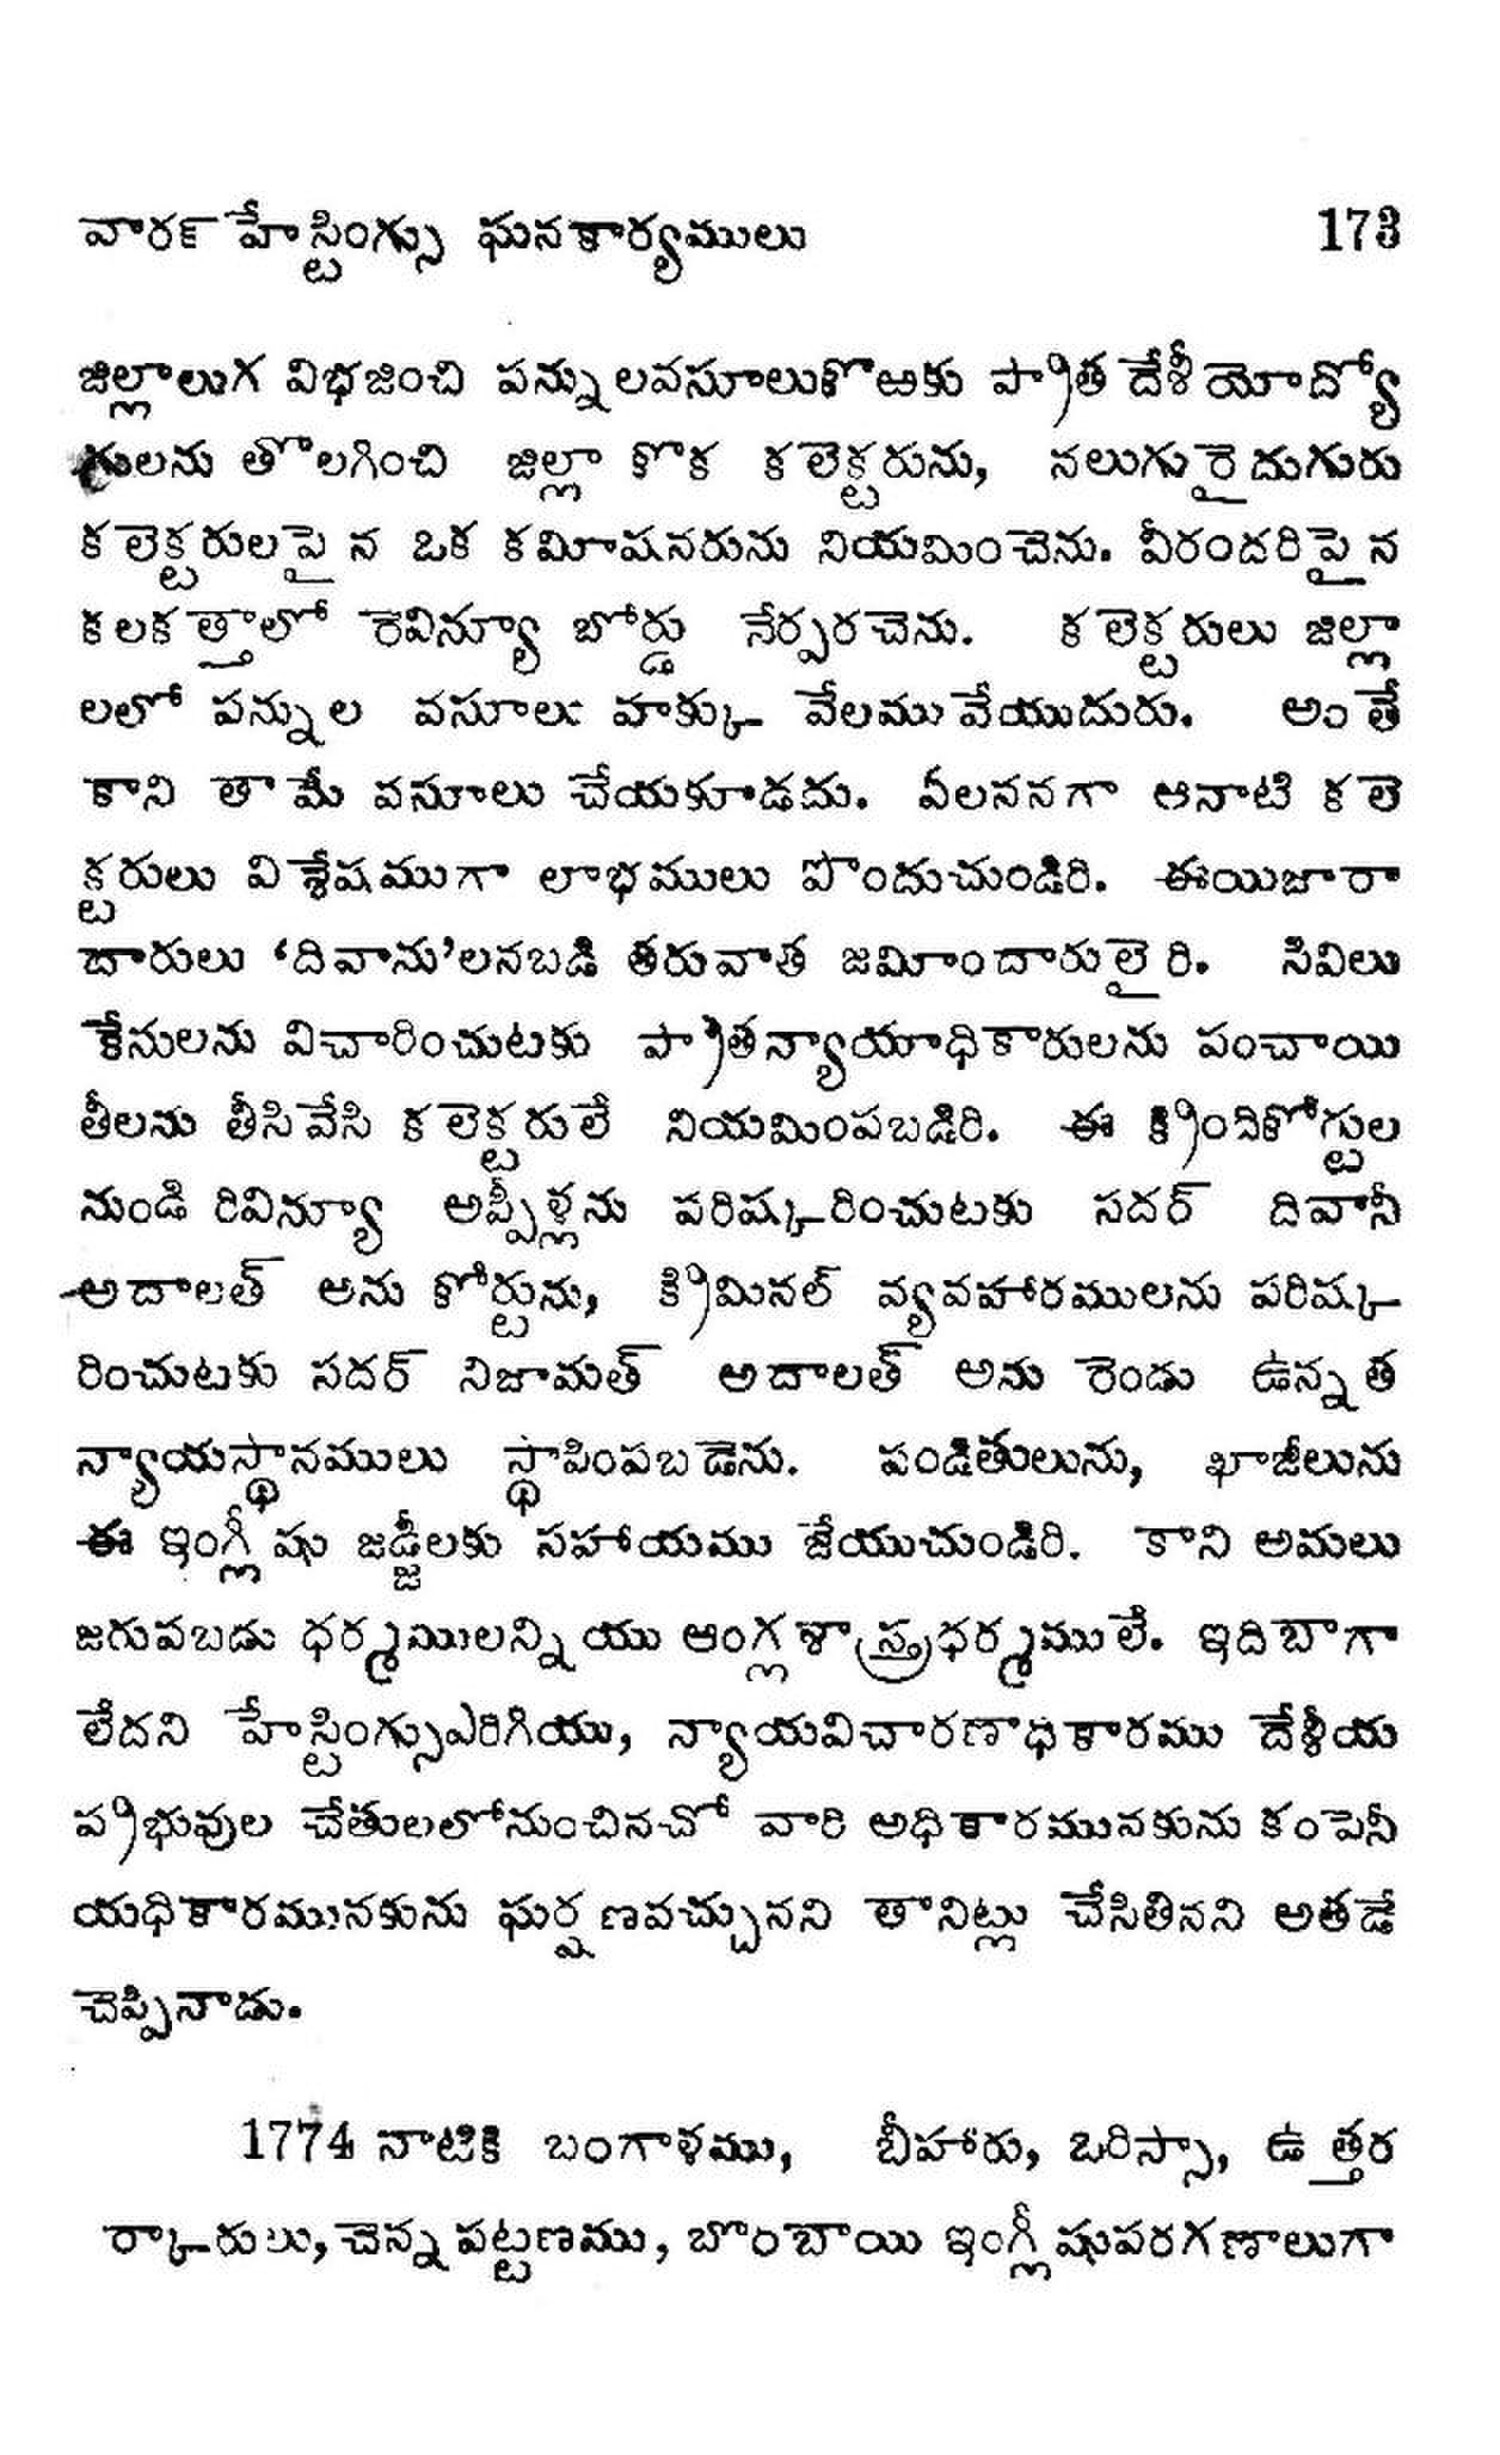జిల్లాలుగ విభజించి పన్నులవసూలుకొఱకు ప్రాతదేశీయోద్యోగులను తొలగించి జిల్లా కొక కలెక్టరును, నలుగురైదుగురు కలెక్టరులపైన ఒక కమీషనరును నియమించెను. వీరందరిపైన కలకత్తాలో రెవిన్యూ బోర్డు నేర్పరచెను. కలెక్టరులు జిల్లాలలో పన్నుల వసూలు హక్కు వేలమువేయుదురు. అంతే కాని తామే వసూలు చేయకూడదు. ఏలననగా ఆనాటి కలెక్టరులు విశేషముగా లాభములు పొందుచుండిరి. ఈయిజారా దారులు 'దివాను'లనబడి తరువాత జమిందారులైరి. సివిలు కేసులను విచారించుటకు ప్రాతన్యాయాధికారులను పంచాయితీలను తీసివేసి కలెక్టరులే నియమింపబడిరి. ఈ క్రిందికోర్టుల నుండి రివిన్యూ అప్పీళ్లను పరిష్కరించుటకు సదర్ దివానీ అదాలత్ అను కోర్టును, క్రిమినల్ వ్యవహారములను పరిష్కరించుటకు సదర్ నిజామత్ అదాలత్ అను రెండు ఉన్నత న్యాయస్థానములు స్థాపింపబడెను. పండితులును, ఖాజీలును ఈ ఇంగ్లీషు జడ్జీలకు సహాయము జేయుచుండిరి. కాని అమలు జరుపబడు ధర్మములన్నియు ఆంగ్లశాస్త్రధర్మములే. ఇది బాగా లేదని హేస్టింగ్సుఎరిగియు, న్యాయవిచారణాధికారము దేశీయ ప్రభువుల చేతులలోనుంచినచో వారి అధికారమునకును కంపెనీ యధికారమునకును ఘర్షణవచ్చునని తానిట్లు చేసితినని అతడే చెప్పినాడు.

1774 నాటికి బంగాళము, బీహారు, ఒరిస్సా, ఉత్తర సర్కారులు, చెన్నపట్టణము , బొంబాయి ఇంగ్లీషుపరగణాలుగా